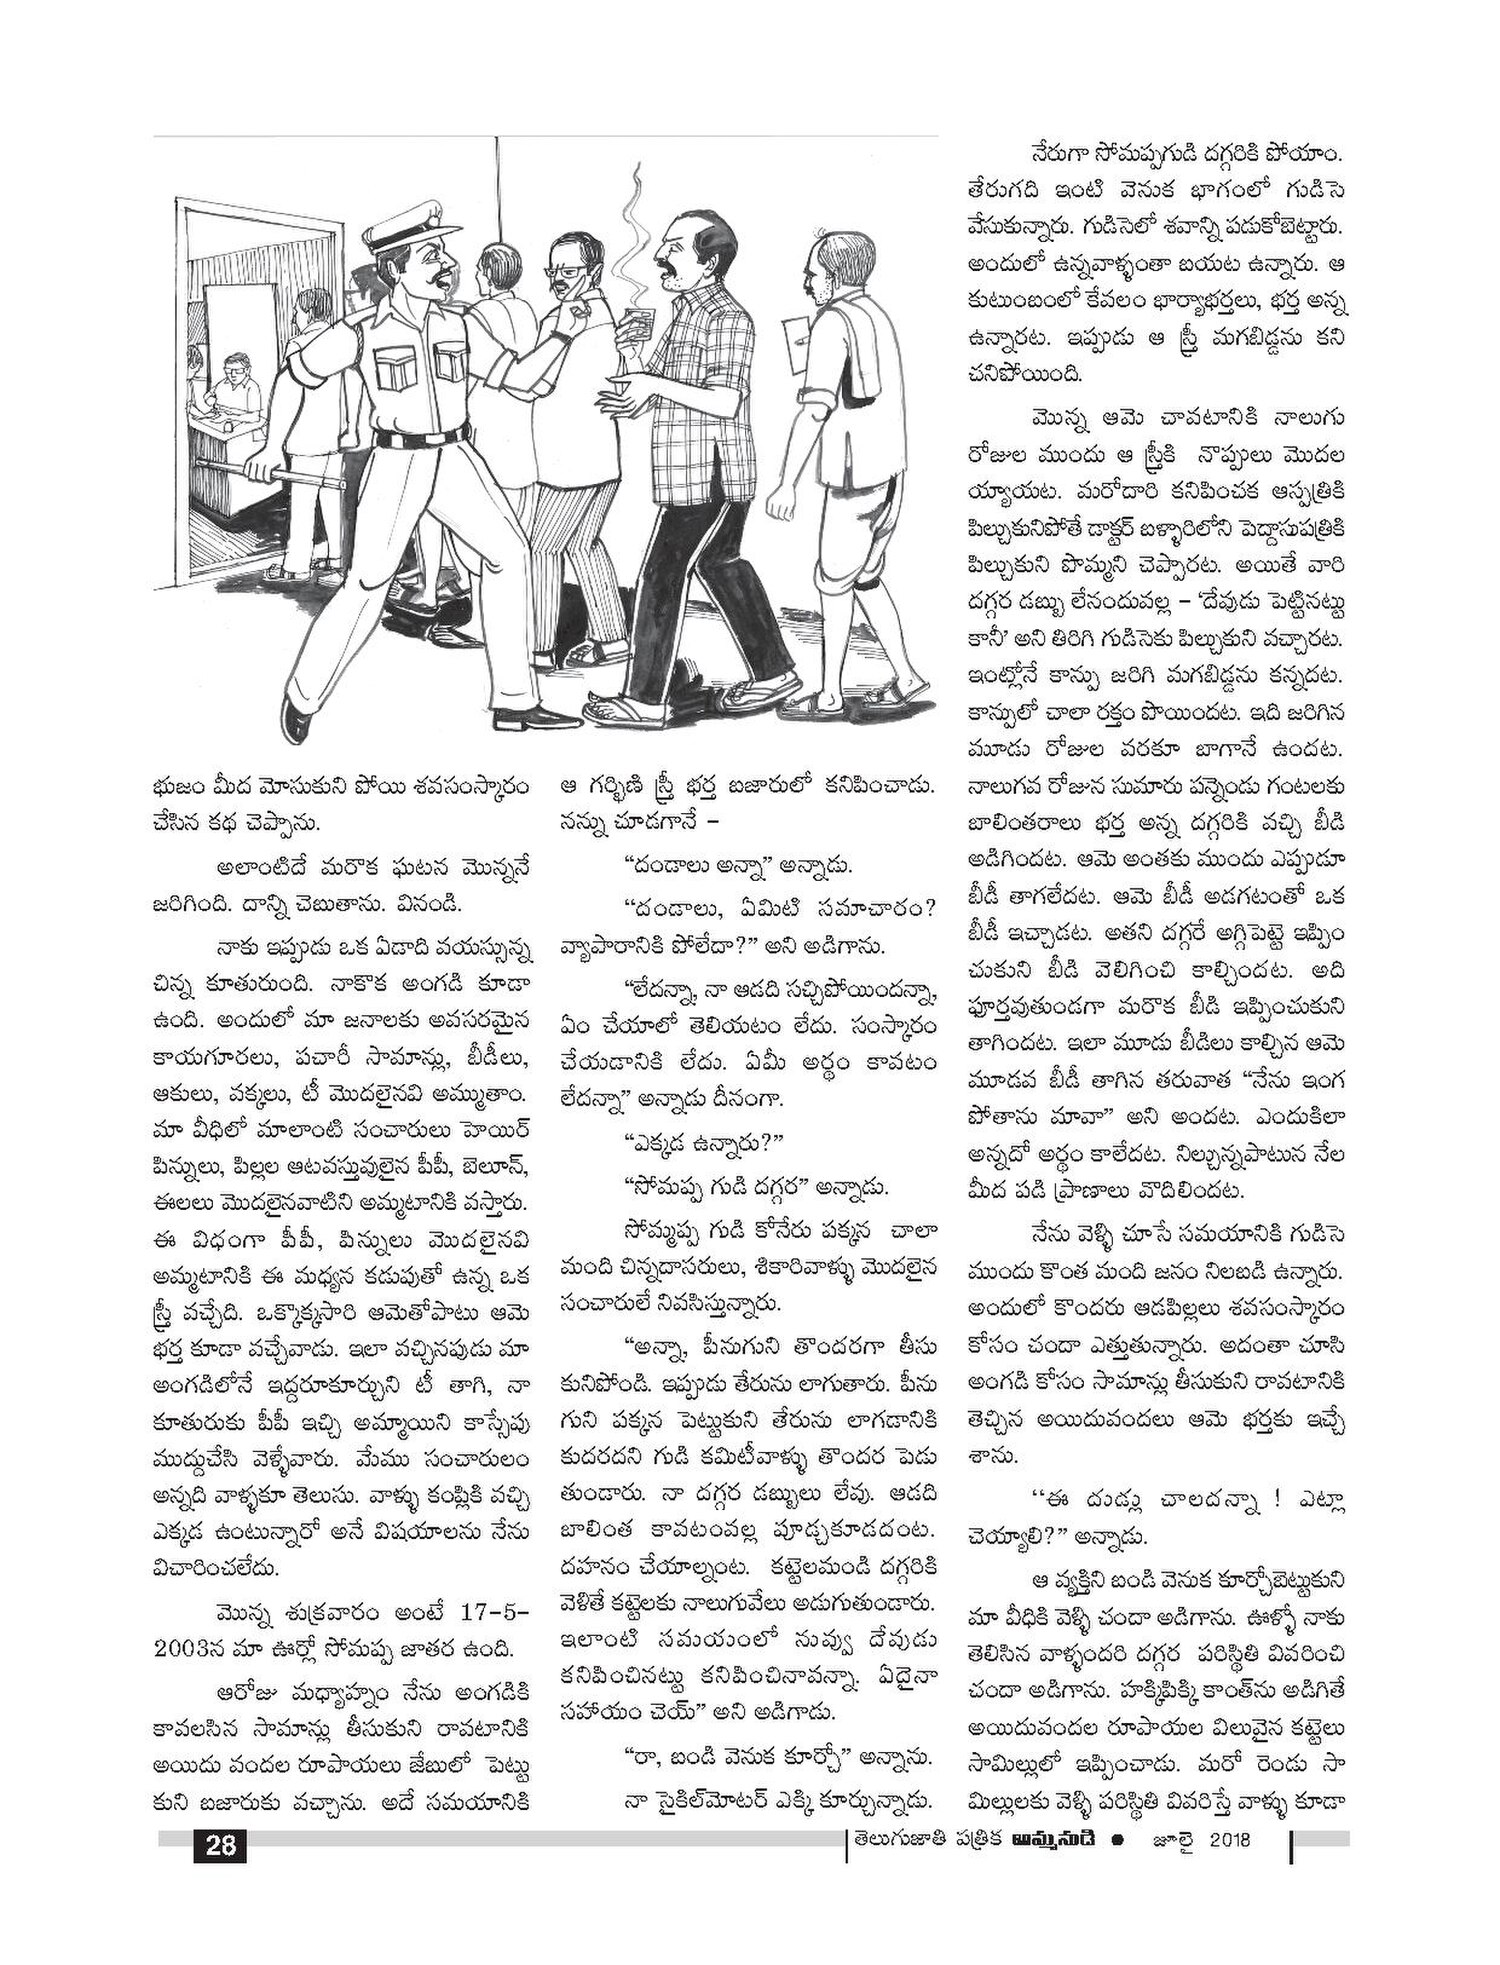భుజం మీద మోసుకుని పోయి శవసంస్కారం చేసిన కథ చెప్పాను.

అలాంటిదే మరొక ఘటన మొన్ననే జరిగింది. దాన్ని చెబుతాను. వినండి.

నాకు ఇప్పుడు ఒక ఏడాది వయస్సున్న చిన్న కూతురుంది. నాకొక అంగడి కూడా ఉంది. అందులో మా జనాలకు అవసరమైన కాయగూరలు, పచారీ సమాన్లు, బీడీలు, ఆకులు, వక్కలు, టీ మొదలైనవి అమ్ముతాం. మా వీధిలో మాలాంటి సంచారులు హెయిర్ పిన్నులు, పిల్లల ఆటవస్తువులైన పీపీ, బెలూన్, ఈలలు మొదలైనవాటిని అమ్మటానికి వస్తారు. ఈ విధంగా పీ పీ, పిన్నులు మొదలైనవి అమ్మటానికి ఈ మధ్యన కడుపుతో ఉన్న ఒక స్త్రీ వచ్చేది. ఒక్కొక్కసారి ఆమెతోపాటు ఆమె భర్త కూడా వచ్చేవాడు. ఇలా వచ్చినపుడు మా అంగడిలోనే ఇద్దరూకూర్చుని టీ తాగి, నా కూతురుకు పీపీ ఇచ్చి అమ్మాయిని కాస్సేపు ముద్దుచేసి వెళ్ళేవారు. మేము సంచారులం అన్నది వాళ్ళకూ తెలుసు. వాళ్ళు కంప్లికి వచ్చి ఎక్కడ ఉంటున్నారో అనే విషయాలను నేను విచారించలేదు.

మొన్న శుక్రవారం అంటే 17-5-2003న మా ఊర్లో సోమప్ప జాతర ఉంది. 

ఆరోజు మధ్యాహ్నం నేను అంగడికి కావలసిన సామాన్లు తీసుకుని రావటానికి అయిదు వందల రూపాయలు జేబులో పెట్టుకుని బజారుకు వచ్చాను. అదే సమయానికి ఆ గర్భిణి స్త్రీ భర్త బజారులో కనిపించాడు. నన్ను చూడగానే -

"దండాలు అన్నా" అన్నాడు.

"దండాలు, ఏమిటి సమాచారం? వ్యాపారానికి పోలేదా?" అని అడిగాను.

"లేదన్నా, నా ఆడది సచ్చిపోయిందన్నా. ఏం చేయాలో తెలియటం లేదు. సంస్కారం చేయడానికి లేదు. ఏమీ అర్థం కావటం లేదన్నా" అన్నాడు దీనంగా.

"ఎక్కడ ఉన్నారు?"

"సోమప్ప గుడి దగ్గర" అన్నాడు.

సోమప్ప గుడి కోనేరు పక్కన చాలా మంది చిన్నదాసరులు, శికారివాళ్ళు మొదలైన సంచారులే నివసిస్తున్నారు.

"అన్నా, పీనుగుని తొందరగా తీసుకునిపొండి. ఇప్పుడు తేరును లాగుతారు. పీనుగుని పక్కన పెట్టుకుని తేరును లాగడానికి కుదరదని గుడి కమిటీవాళ్ళు తొందర పెడుతుండారు. నా దగ్గర డబ్బులు లేవు. ఆడది బాలింత కావటంవల్ల పూడ్చకూడదంట. దహనం చేయాల్నంట. కట్టెలమండి దగ్గరకి వెళితే కట్టెలకు నాలుగువేలు అడుగుతుండారు. ఇలాంటి సమయంలో నువ్వు దేవుడు కనిపించినట్టు కనిపించినావన్నా. ఏదైనా సహాయం చెయ్" అని అడిగాడు.

"రా, బండి వెనుక కూర్చో" అన్నాను.

నా సైకిల్‌మోటార్ ఎక్కి కూర్చున్నాడు.‌

నేరుగా సోమప్పగుడి దగ్గరికి పోయాం . తేరుగది ఇంటి వెనుక భాగంలో గుడిసె వేసుకున్నారు. గుడిసెలో శవాన్ని పడుకోబెట్టారు. అందులో ఉన్నవాళ్ళంతా బయట ఉన్నారు. ఆ కుటుంబంలో కేవలం భార్యాభర్తలు, భర్త అన్న ఉన్నారట. ఇప్పుడు ఆ స్త్రీ మగబిడ్డను కని చనిపోయింది.

మొన్న ఆమె చావటానికి నాలుగు రోజుల ముందు ఆ స్త్రీకి నొప్పులు మొదలయ్యాయట. మరోదారి కనిపించక ఆస్పత్రికి పిల్చుకునిపోతే డాక్టర్ బళ్ళారిలోని పెద్దాసుపత్రికి పిల్చుకుని పొమ్మని చెప్పారట. అయితే వారి దగ్గర డబ్బు లేనందువల్ల - 'దేవుడు పెట్టినట్టు కానీ' అని తిరిగి గుడిసెకు పిల్చుకుని వచ్చారట. ఇంట్లోనే కాన్పు జరిగి మగబిడ్డను కన్నదట. కాన్పులో చాలా రక్తం పొయిందట. ఇదీ జరిగిన మూడు రోజుల వరకూ బాగానే ఉందట. నాలుగవ రోజున సుమారు పన్నెండు గంటలకు బాలింతరాలు భర్త అన్న దగ్గరకి వచ్చి బీడి అడిగిందట. ఆమె అంతకు ముందు ఎప్పుడూ బీడీ తాగలేదట. ఆమె బీడీ అడగటంతో ఒక బీడీ ఇచ్చాడట. అతని దగ్గరే అగ్గిపెట్టె ఇప్పించుకుని బీడి వెలిగించి కాల్చిందట. అది పూర్తవుతుండగా మరొక బీడి ఇప్పించుకుని తాగిందట. ఇలా మూడు బీడీలి కాల్చిన ఆమె మూడవ బీడీ తాగిన తరువాత "నేను ఇంగ పోతాను మావా" అని అందట. ఎందుకిలా అన్నదో అర్థం కాలేదట. నిల్చున్నపాటున నేల మీద పడి ప్రాణాలు వొదిలిందట.

నేను వెళ్ళి చూసే సమయానికి గుడిసె ముందు కొంత మంది జనం నిలబడి ఉన్నారు. అందులో కొందరు ఆడపిల్లలు శవసంస్కారం కోసం చందా ఎత్తుతున్నారు. అదంతా చూసి అంగడి కోసం సామాన్లు తీసుకుని రావటానికి తెచ్చిన అయిదువందలు ఆమె భర్తకు ఇచ్చేశాను.

"ఈ దుడ్లు చాలదన్నా! ఎట్లా చెయ్యాలి?" అన్నాడు.

ఆ వ్యక్తిని బండి వెనుక కూర్చోబెట్టుకుని మా వీధికి వెళ్ళి చందా అడిగాను. ఊళ్ళో నాకు తెలిసిన వాళ్ళందరి దగ్గర పరిస్థితి వివరించి చందా అడిగాను. హక్కిపిక్కి కాంత్‌ను అడిగితే అయిదువందల రూపాయల విలువైన కట్టెలు సామిల్లులో ఇప్పించాడు. మరో రెండు సా మిల్లులకు వెళ్ళి పరిస్థితి వివరిస్తే వాళ్ళు కూడా